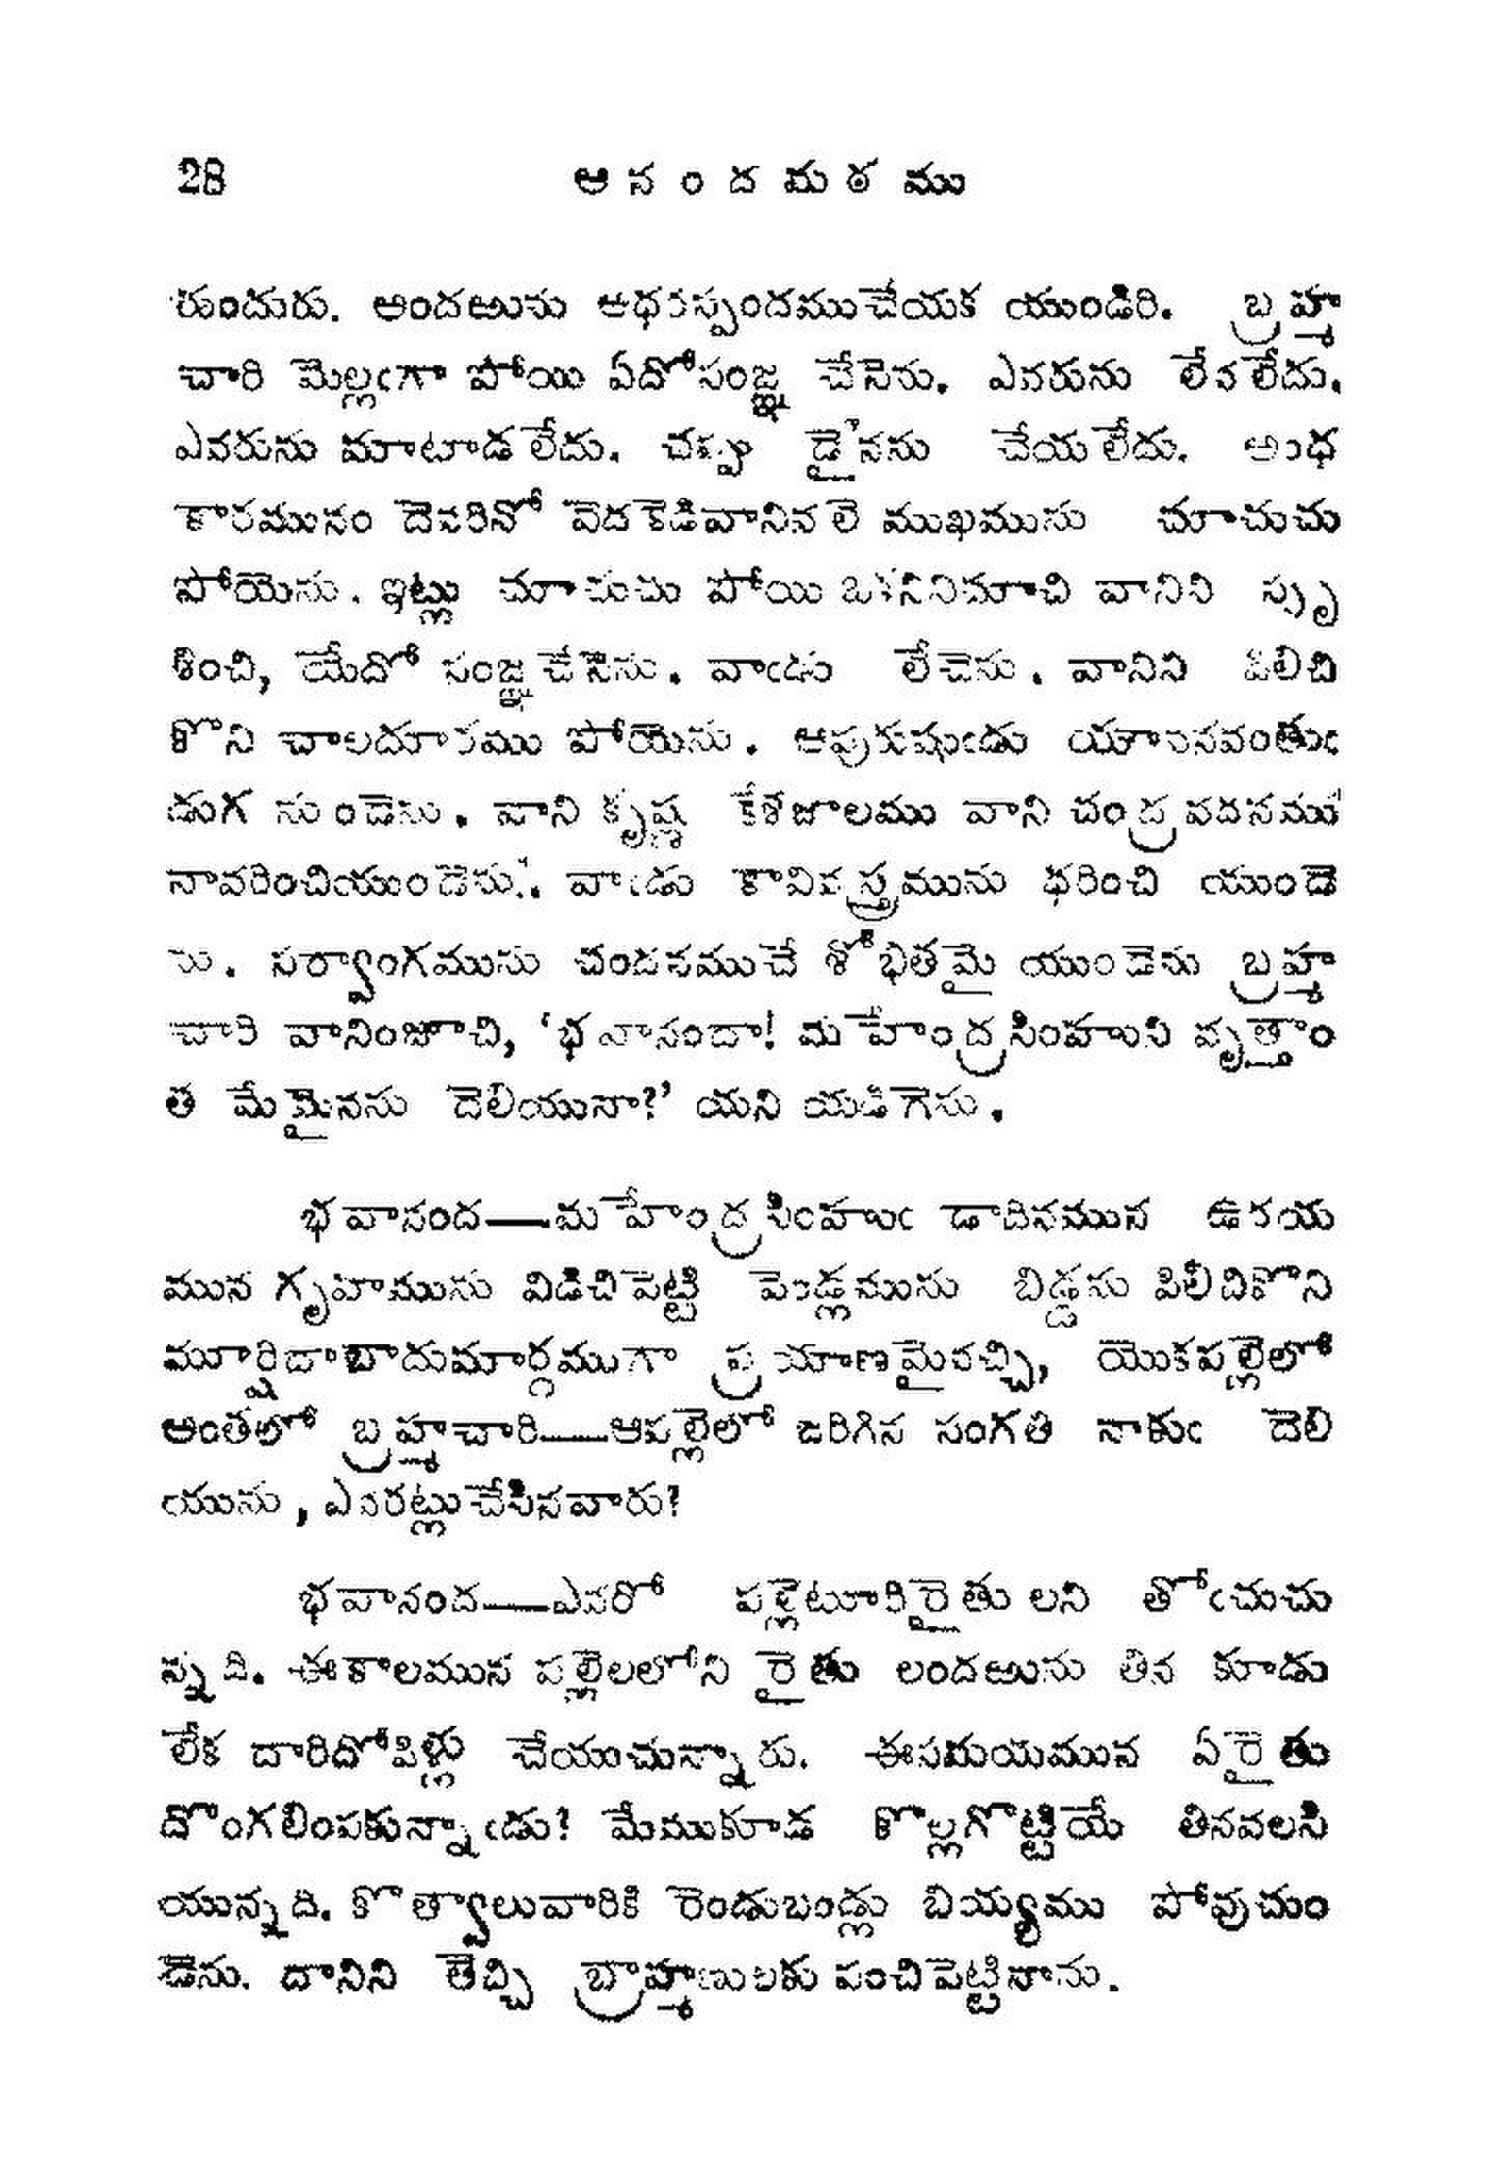రుందురు. అందఱును ఆధరస్పందము చేయక యుండిరి. బ్రహ్మచారి మెల్లఁగా పోయి ఏదో సంజ్ఞ చేసెను. ఎవరును లేవ లేదు,
ఎవరును మాటాడలేదు. చప్పుడైనను చేయలేదు. అంధకారమునం దెవరినో వెదకెడివానివలే ముఖమును చూచుచు పోయెను. ఇట్లు చూచుచు పోయి ఒకనిని చూచి వానిని స్పృశించి యేదో సంజ్ఞ చేసేను. వాఁడు లేచెను. వానిని పిలిచికోని చాలదూరము పోయెను . ఆపురుషుఁడు యౌవనవంతుఁడుగ నుండెను . వాని కృష్ణ కేశజాలము వాని చంద్ర వదనము నావరించియుండెను. వాఁడు కావివస్త్రమును ధరించి యుండెను. సర్వాంగముసు చందనముచే శోభితమై యుండెను బ్రహ్మచారి వానిం జూచి, 'భవానందా! మహేంద్రసింహుని వృత్తాం
త మేమైనను దెలియునా?' యని యడిగెను.

భవానంద——మహేంద్రసింహుఁ డాదినమున ఉదయమున గృహమును విడిచి పెట్టి పెండ్లమును బిడ్డను పిలిచి కొని మూర్షిదాబాదుమార్గముగా ప్రయాణ మైవచ్చి, యొక పల్లెలో అంతలో బ్రహచారి— ఆ పల్లెలో జరిగిన సంగతి నాకుఁయును , ఎవరట్లు చేసినవారు?

భవానంద—— ఎవరో పల్లెటూరి రైతు లని తోఁచుచున్నది. ఈ కాలమున పల్లెలలోని రైతు లందఱును తిన కూడు లేక దారిదోపిళ్లు చేయుచున్నారు. ఈసమయమున ఏరైతు దొంగలింపకున్నాడు? మేముకూడ కొల్లగొట్టియే తినవలసి యున్నది. కొత్వాలువారికి రెండుబండ్లు బియ్యము పోవుచుండెను. దానిని తెచ్చి బ్రాహ్మణులకు పంచి పెట్టినాను.